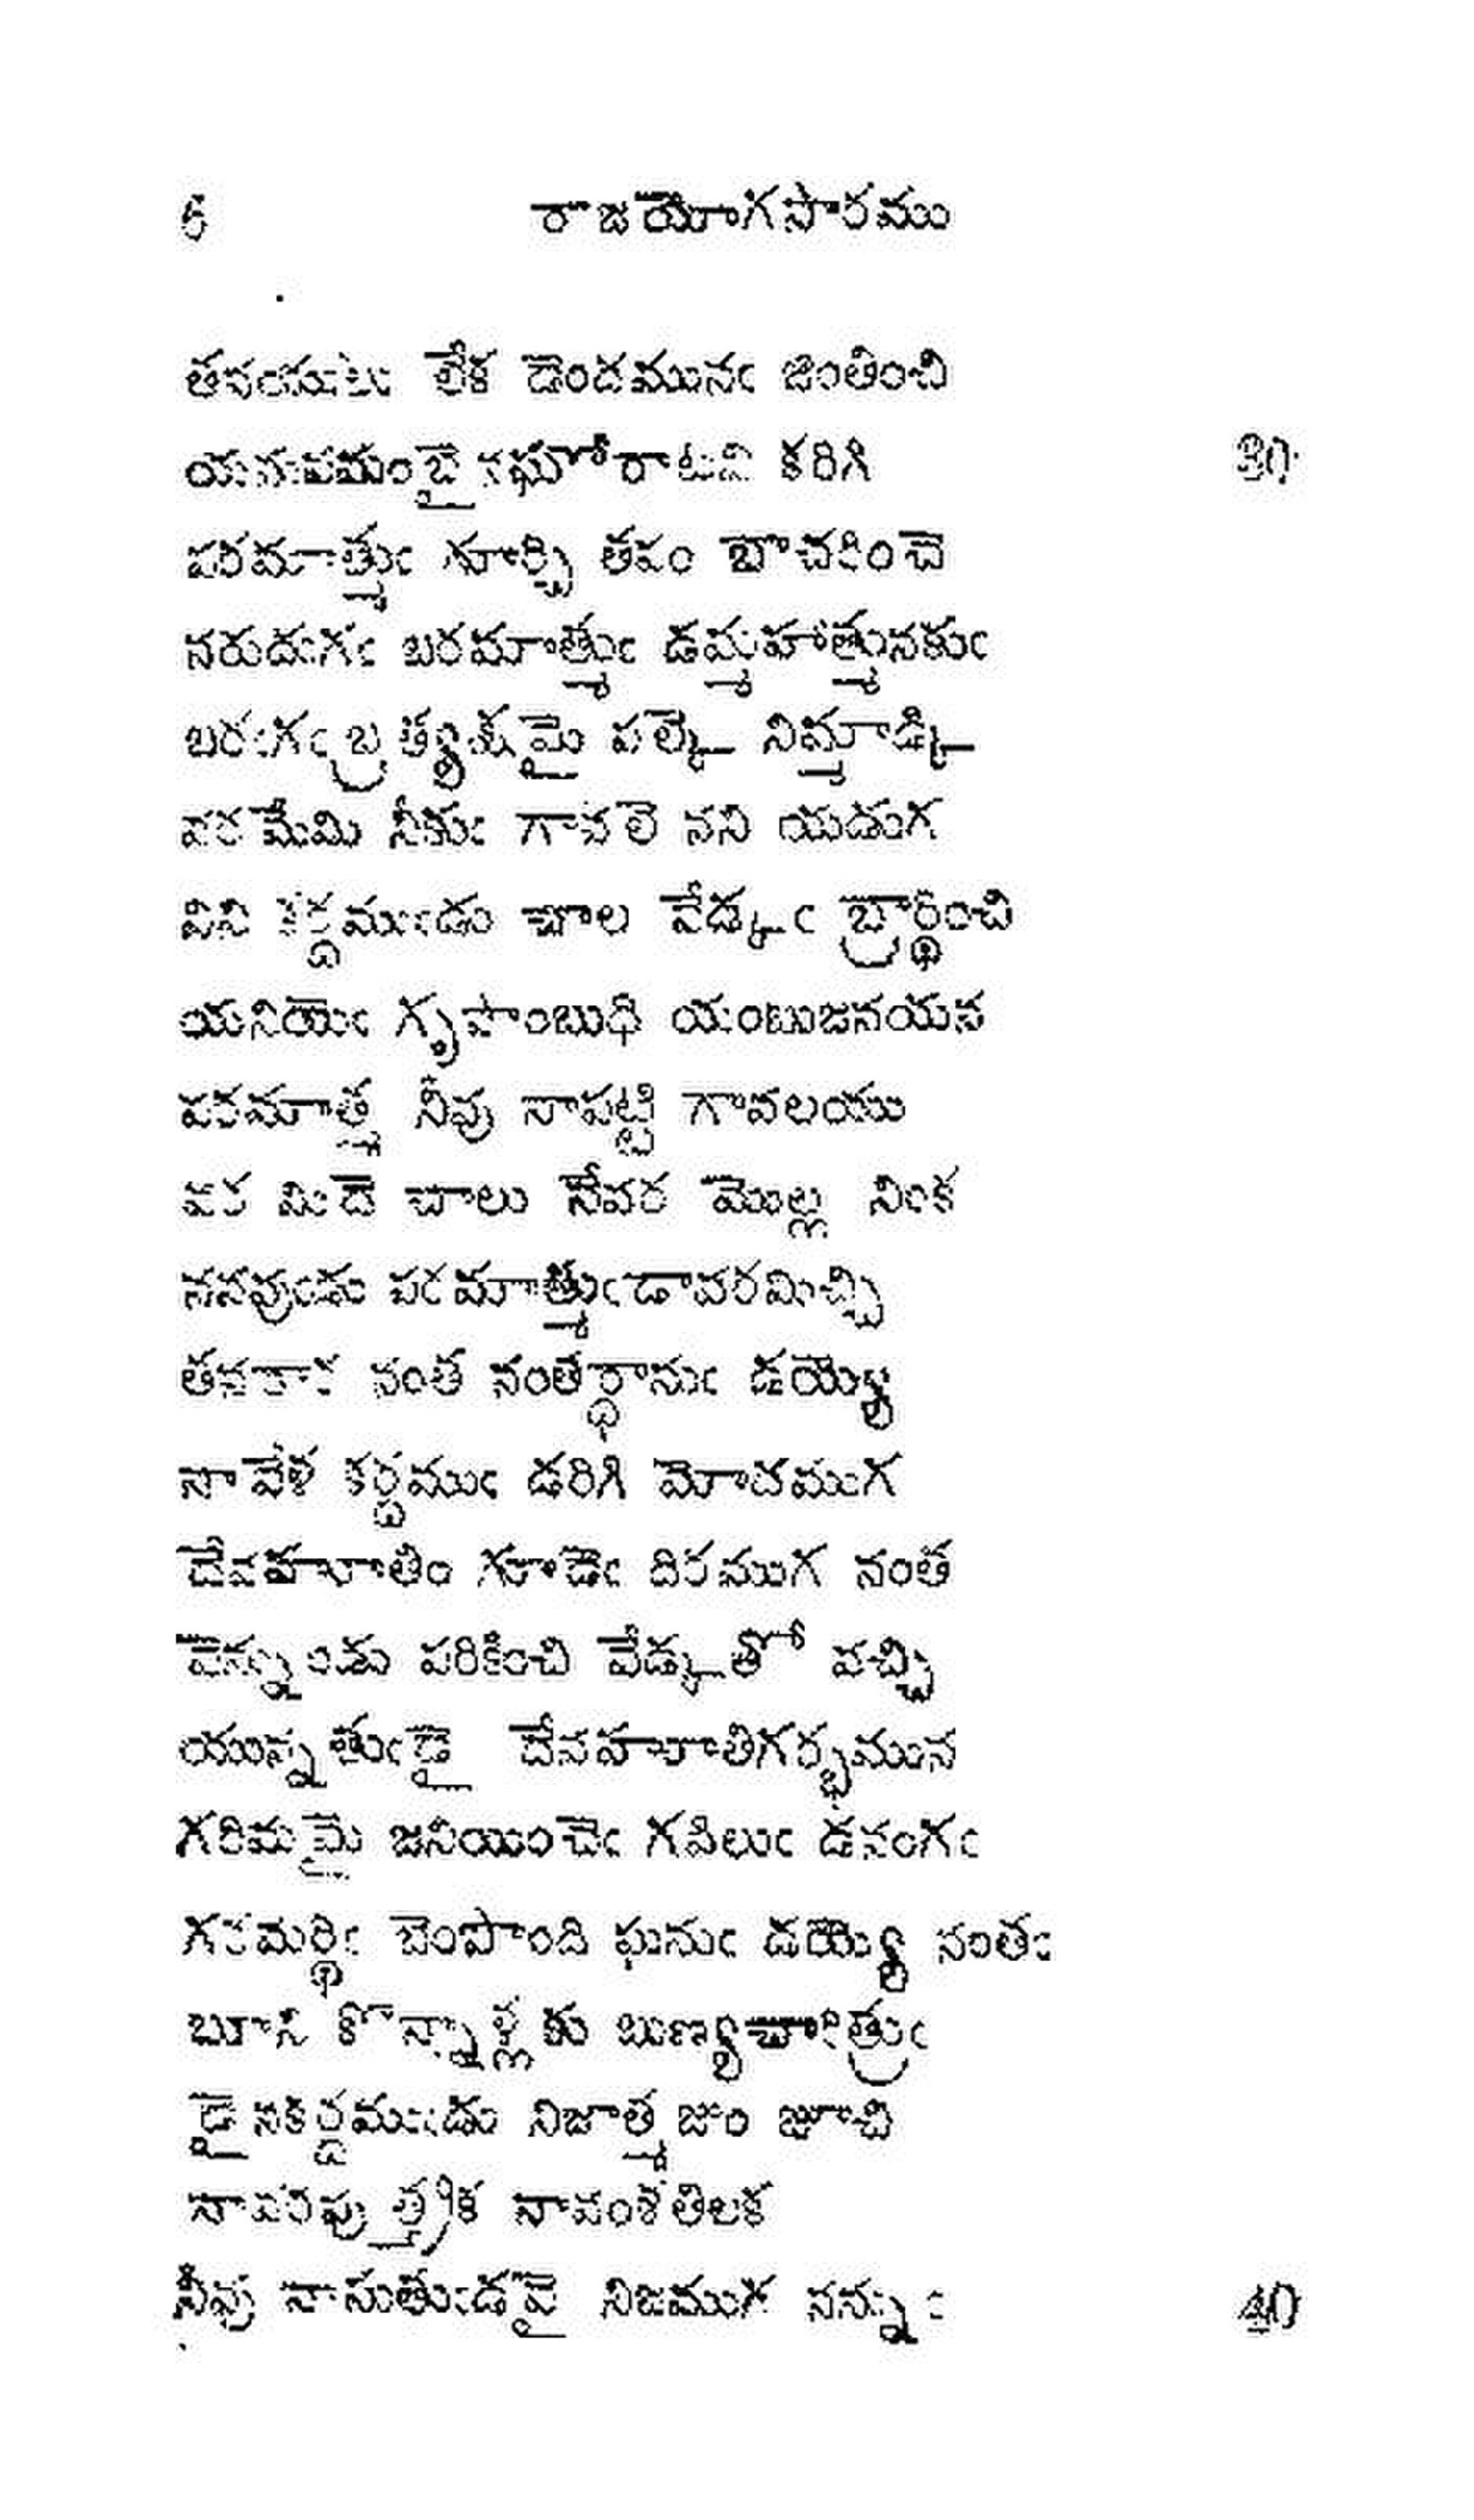తనయులు లేక డెందమునఁ జింతించి
యనుపమంబైనఘోరాటవి కరిగి 
పరమాత్ముఁ గూర్చి తపం బాచరించె
నరుదుగఁ బరమాత్ముఁ డమ్మహాత్మునకుఁ
బరఁగఁ బ్రత్యక్షమై పల్కె నిమ్మాడ్కి
వరమేమి నీకుఁ గావలె నని యడుగ
విని కర్దముఁడు చాల వేడ్కఁ బ్రార్థించి
యనియెఁ గృపాంబుధి యంబుజనయన
పరమాత్మ నీవు నాపట్టి గావలయు
వరమిదె చాలు నేవర మొల్ల నింక
ననవుఁడు పరమాత్ముఁ డావరమిచ్చి
తనరార నంత నంతర్ధానుఁ డయ్యె
నావేళ కర్దముఁ డరిగి మోదముగ
దేవహూతిం గూడెఁ దిరముగ నంత
వెన్నుండు పరికించి వేడ్కతో వచ్చి
యున్నతుఁడై దేవహూతిగర్భమున
గరిమమై జనియించెఁ గపిలుఁ డనంగఁ
గరమర్థిఁ బెంపొంది ఘనుఁ డయ్యె నంతఁ
బూని కొన్నాళ్లకు బుణ్యచారిత్రుఁ 
డైనకర్దముఁడు నిజాత్మజుం జూచి
నావరపుత్త్రక నావంశతిలక
నీవు నాసుతుఁడవై నిజముగ నన్నుఁ